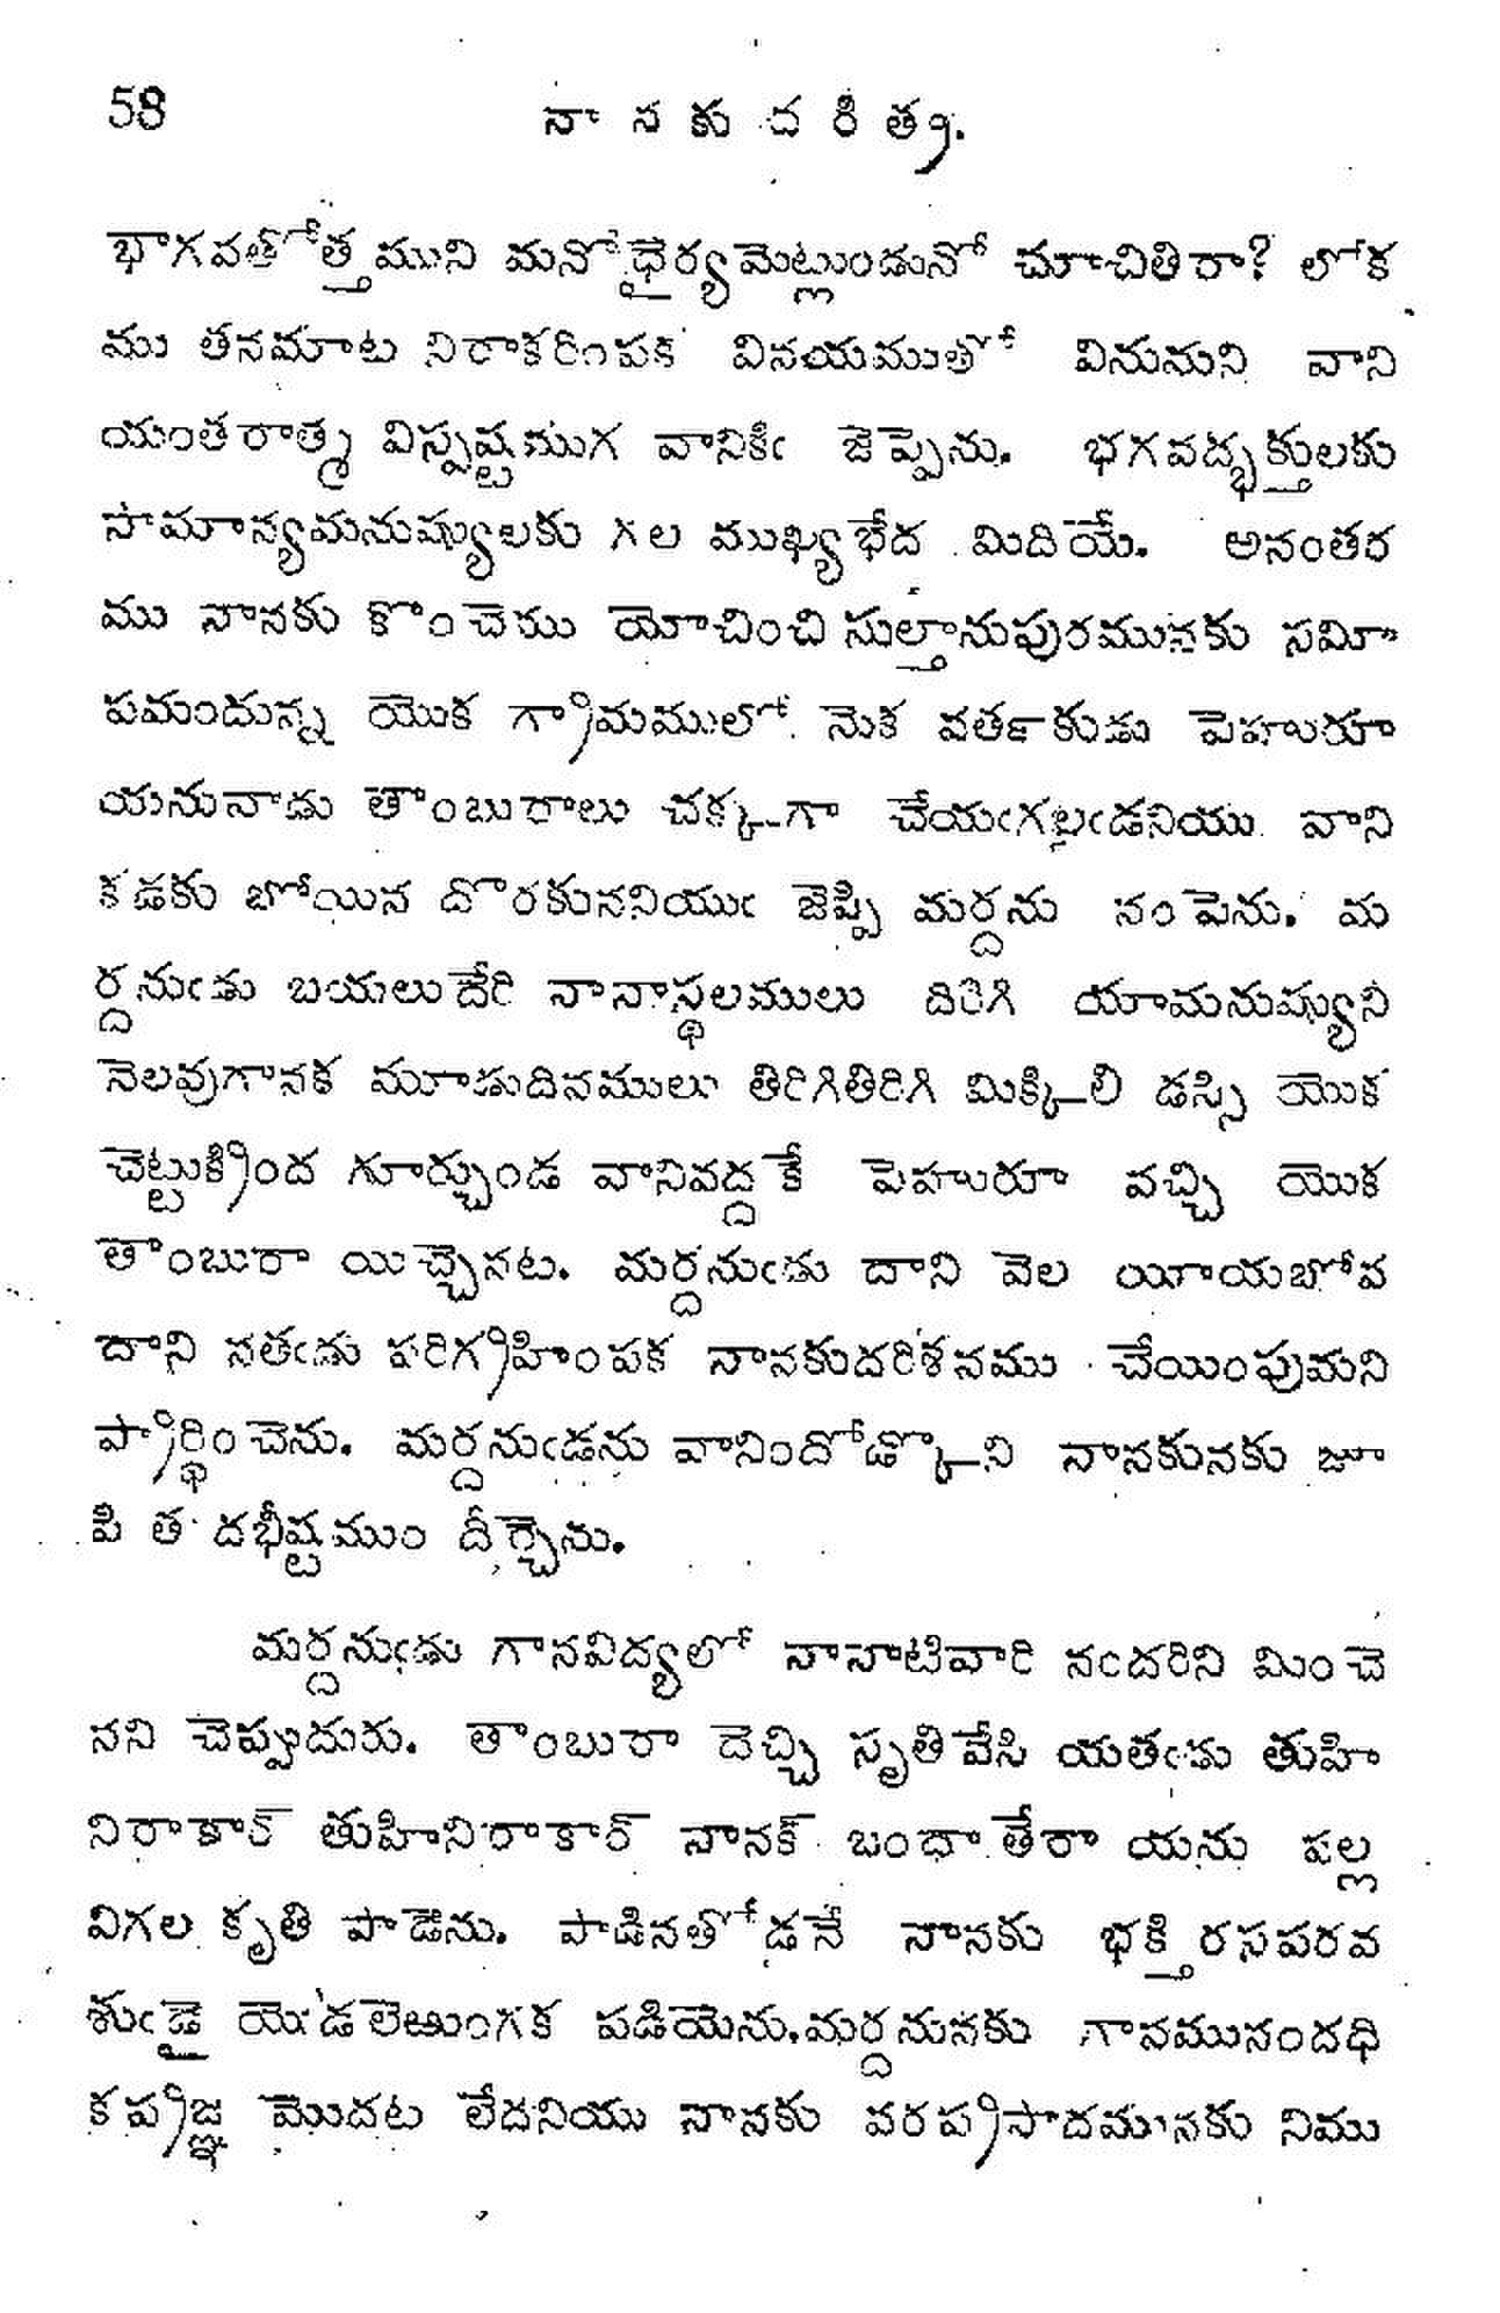భాగవతోత్తముని మనోధైర్యమెట్లుండునో చూచితిరా? లోకము తనమాట నిరాకరింపక వినయముతో వినునుని వాని యంతరాత్మ విస్పష్టముగ వానికి జెప్పెను. భగవద్భక్తులకు సామాన్యమనుష్యులకు గల ముఖ్యభేద మిదియే. అనంతరము నానకు కొంచెము యోచించి సుల్తానుపురమునకు సమీపమందున్న యొక గ్రామములో నొక వతన్‌కుడు పెహురూయనువాడు తాంబురాలు చక్కగా చేయగలడనియు వాని కడకు బోయిన దొరకుననియు జెప్పి మర్దను నంపెను. మర్దనుడు బయలుదేరి నానాస్థలములు దిరిగి యామనుష్యుని నెలవుగానక మూడుదినములు తిరిగితిరిగి మిక్కిలి డస్సి యొక చెట్టుక్రింద గూర్చుండ వానివద్దకే పెహురూ వచ్చి యొక తాంబురా యిచ్చెనట. మర్దనుడు దాని వెల యీయబోవ దాని నతడు పరిగ్రహింపక నానకుదరిశనము చేయింపుమని ప్రార్థించెను. మర్దనుడను వానిందోడ్కొని నానకునకు జూపి త దభీష్టముం దీర్చెను.

మర్దనుడు గానవిద్యలో నానాటివారి నందరిని మించెనని చెప్పుదురు. తాంబురా దెచ్చి సృతివేసి యతడు తుహినిరాకార్ తుహినిరాకార్ నానక్ బందా తేరా యను పల్లవిగల కృతి పాడెను. పాడినతోడనే నానకు భక్తిరసపరవశుడై యెడలెఱుంగక పడియెను. మర్దనునకు గానమునందధికప్రజ్ఞ మొదట లేదనియు నానకు వరప్రసాదమునకు నిము